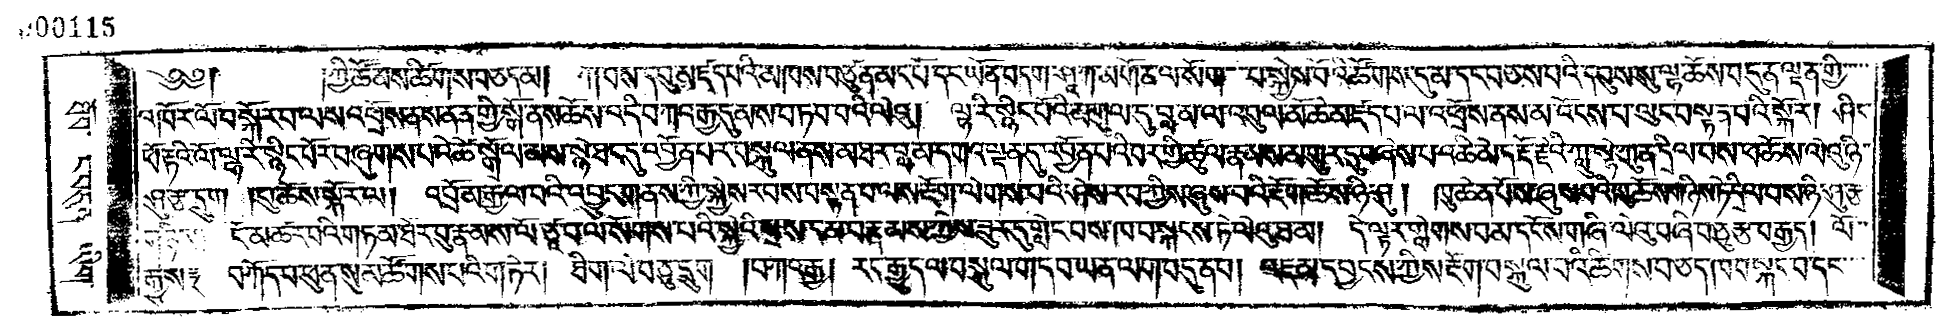༄༅། །ཀྱི་ཚོམས་ཚིགས་བཅད་མ། ཀ་བས་དབུ་མཛད་པའི་མཁས་བཙུན་མང་པོ་དང་ཡོན་བདག་ཤཱཀ་མགོན་ལ་སོག་པ་སྐྱེས་བོའི་ཚོགས་དུ་མ་དང་བཅས་པའི་དབུས་སུ་ལྷ་ཆོས་བདུན་ལྡན་གྱི་
འཁོར་ལོ་བསྐོར་བ་ལས་འཕྲོས་ནས་ནན་གྱི་སྒོ་ནས་ཆོས་འདི་བཀའ་རྒྱ་དུ་མས་བཏབ་པའི་ལེའུ། ལྷ་རི་སྙིང་པོའི་མགུལ་དུ་བླ་མ་ལ་འབུལ་མོ་ཆེ་མཛད་པ་ལ་འཕྲོས་ནས་མ་འོངས་པ་ལུང་པ་སྟན་པའི་སྐོར། ཤིང་
ཕོ་རྟའི་ལོ་ལྷ་རི་སྙིང་པོར་བཞུགས་པའི་ཚེ་སྒྲོལ་མས་སྙེ་ཐང་དུ་འབྱོན་པར་བསྐུལ་ནས་མཐར་བླ་མ་དགའ་ལྡན་དུ་འབྱོན་པའི་བར་གྱི་ཚུལ་རྣམས་མགུར་དུ་བཞེས་པ་འཆི་མེད་རྡོ་རྗེའི་ཀླུ་སྟེ་ཀུན་དྲིལ་བས་ཕ་ཆོས་ལེའུ་ཉི་
ཤུ་རྩ་དྲུག །བུ་ཆོས་སྐོར་ལ། འབྲོ་མ་རྒྱལ་བའི་འབྱུང་གནས་ཀྱི་སྐྱེས་རབས་བསྟན་པ་ལས་རྡོག་ལེགས་པའི་ཤེས་རབ་ཀྱིས་ཞུས་པའི་རྡོག་ཆོས་ཉི་ཤུ། ཁུ་ཆེན་པོས་ཞུས་པའི་ཁུ་ཆོས་གཉིས་ཏེ་དྲིལ་བས་ཉི་ཤུ་རྩ་
གཉིས། ངོ་མཚར་བའི་གཏམ་ཐོར་བུ་རྣམས་ལོ་ཙཱ་བ་ལ་སོགས་པའི་སྐྱེའི་སྲས་དམ་པ་རྣམས་ཀྱིས་ཟུར་དུ་གླེང་བས་ཁ་བསྐངས་ཏེ་ལེའུ་ཐ་མ། དེ་ལྟར་གླེགས་བམ་དངོས་གཞི་ལེའུ་བཞི་བ་ཅུ་རྩ་བརྒྱད། ལོ་
རྒྱས༑ བཀོད་པ་ཕུན་སུམ་ཚོགས་པའི་གཏེར། ཐིག་ལེ་བཅུ་དྲུག །བཀའ་རྒྱ། རང་རྒྱུད་ལ་བསྐུལ་གདབ་ཡན་ལག་བདུན་པ། འཇམ་དབྱངས་ཀྱིས་རྡོག་བསྐུལ་པའི་ཚིགས་བཅད་ཁ་བསྐང་བ་དང་